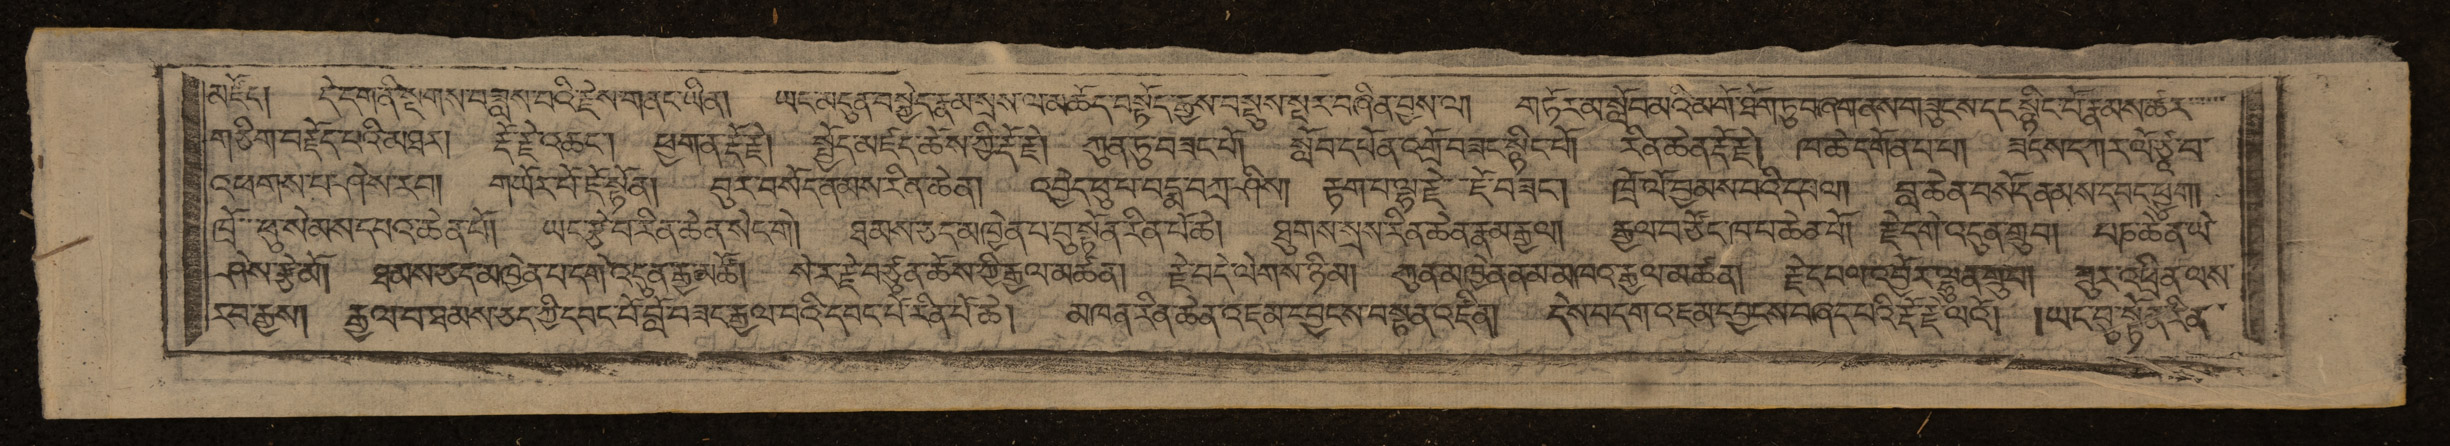མཛོད། དེ་དག་ནི་སྔགས་བཟླས་པའི་རྗེས་གནང་ཡིན། ཡང་མདུན་བསྐྱེད་རྣམ་སྲས་ལ་མཆོད་བསྟོད་རྒྱས་བསྡུས་སྔར་བཞིན་བྱས་ལ། གཏོར་མ་སློབ་མའི་མགོ་ཐོག་ཏུ་བཞག་ནས་གཟུངས་དང་སྙིང་པོ་རྣམས་ཚར་
གཅིག་བརྗོད་པའི་མཐར། རྡོ་རྗེ་འཆང་། ཕྱག་ན་རྡོ་རྗེ། སྤྱོད་མཛད་ཆོས་ཀྱི་རྡོ་རྗེ། ཀུན་ཏུ་བཟང་པོ། སློབ་དཔོན་འགྲོ་བཟང་སྙིང་པོ། རིན་ཆེན་རྡོ་རྗེ། ཁ་ཆེ་དགོན་པ་པ། ཟངས་དཀར་ལོ་ཙཱ་བ་
འཕགས་པ་ཤེས་རབ། གཡོར་པོ་ཇོ་སྟོན། བུར་བསོད་ནམས་རིན་ཆེན། འབྱེད་ཕུ་པ་པདམ་བཀྲ་ཤིས། རྟག་པ་ལྷ་རྗེ་ཇོ་བཟང་། ཁྲོ་ལོ་བྱམས་པའི་དཔལ། བླ་ཆེན་བསོད་ནམས་དབང་ཕྱུག།
ཁྲོ་ཕུ་སེམས་དཔའ་ཆེན་པོ། ཡང་རྩེ་བ་རིན་ཆེན་སེང་གེ། ཐམས་ཅད་མཁྱེན་པ་བུ་སྟོན་རིན་པོ་ཆེ། ཐུགས་སྲས་རིན་ཆེན་རྣམ་རྒྱལ། རྒྱལ་བ་ཙོང་ཁ་པ་ཆེན་པོ། རྗེ་དགེ་འདུན་གྲུབ། པཎ་ཆེན་ཡེ་
ཤེས་རྩེ་མོ། ཐམས་ཅད་མཁྱེན་པ་དགེ་འདུན་རྒྱ་མཚོ། སེ་ར་རྗེ་བཙུན་ཆོས་ཀྱི་རྒྱལ་མཚན། རྗེ་བདེ་ལེགས་ཉི་མ། ཀུན་མཁྱེན་ནམ་མཁའ་རྒྱལ་མཚན། རྗེ་དཔལ་འབྱོར་ལྷུན་གྲུབ། ཟུར་འཕྲིན་ལས་
རབ་རྒྱས། རྒྱལ་བ་ཐམས་ཅད་ཀྱི་དབང་པོ་བློ་བཟང་རྒྱལ་བའི་དབང་པོ་རིན་པོ་ཆེ། མཁན་རིན་ཆེན་འཇམ་དབྱངས་བསྟན་འཛིན། དེས་བདག་འཇམ་དབྱངས་བཞད་པའི་རྡོ་རྗེ་ལའོ། །ཡང་བུ་སྟོན་རིན་